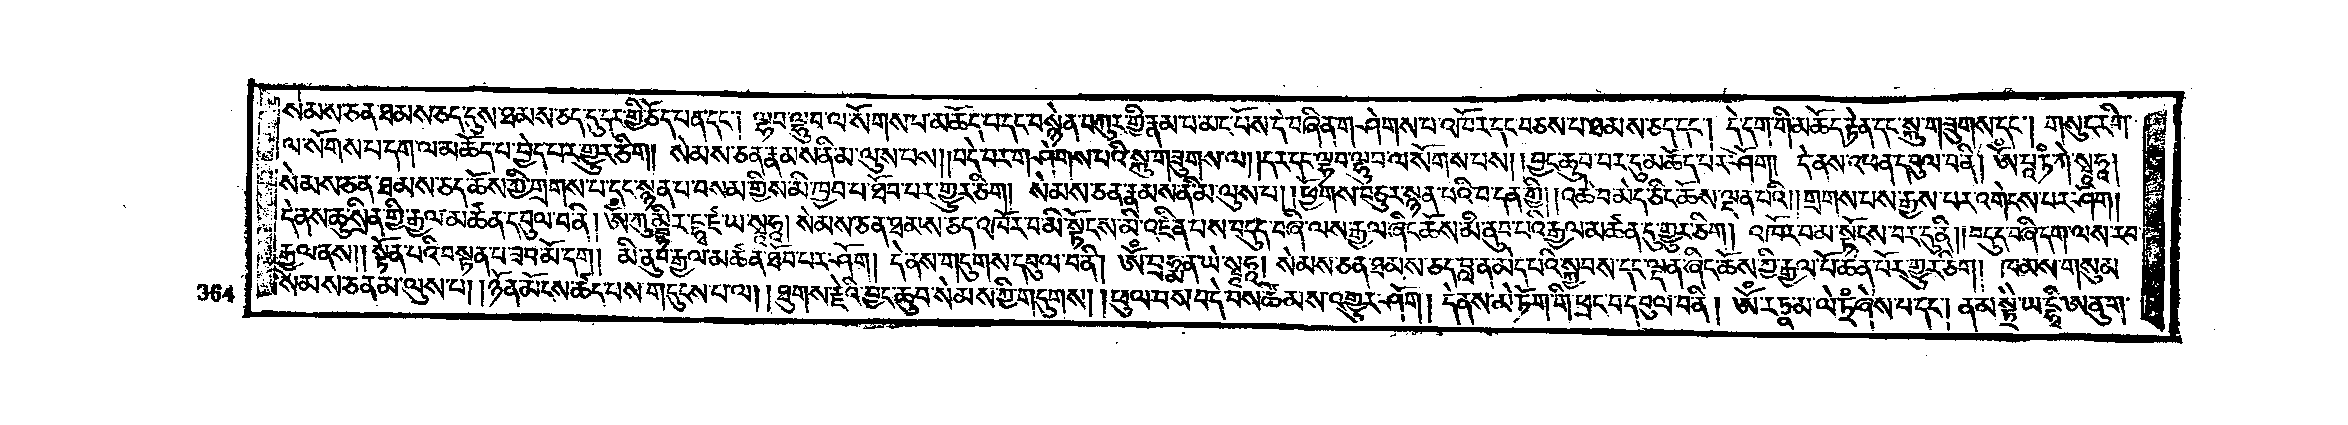སེམས་ཅན་ཐམས་ཅད་དུས་ཐམས་ཅད་དུ་དར་གྱི་ཅོད་པན་དང་། ལྷབ་ལྷུབ་ལ་སོགས་པ་མཆོད་པ་དང་བསྙེན་བཀུར་གྱི་རྣམ་པ་མང་པོས་དེ་བཞིན་གཤེགས་པ་འཁོར་དང་བཅས་པ་ཐམས་ཅད་དང་། དེ་དག་གི་མཆོད་རྟེན་དང་སྐུ་གཟུགས་དང་། གསུང་རིག་
ལ་སོགས་པ་དག་ལ་མཆོད་པ་བྱེད་པར་གྱུར་ཅིག །སེམས་ཅན་རྣམས་ནི་མ་ལུས་པས། །བདེ་བར་གཤེགས་པའི་སྐུ་གཟུགས་ལ། །དར་དང་ལྷབ་ལྷུབ་ལ་སོགས་པས། །བྱང་ཆུབ་བར་དུ་མཆོད་པར་ཤོག །དེ་ནས་འཕན་དབུལ་བ་ནི། ཨོཾ་པཱ་ཏཾ་ཀེ་སྭཱ་ཧཱ།
སེམས་ཅན་ཐམས་ཅད་ཆོས་ཀྱི་གྲགས་པ་དང་སྙན་པ་བསམ་གྱིས་མི་ཁྱབ་པ་ཐོབ་པར་གྱུར་ཅིག །སེམས་ཅན་རྣམས་ནི་མ་ལུས་པ། །ཕྱོགས་བཅུར་སྙན་པའི་བ་དན་གྱི། །འཚེ་བ་མེད་ཅིང་ཆོས་ལྡན་པའི། །གྲགས་པས་རྒྱས་པར་འགེངས་པར་ཤོག །
དེ་ནས་ཆུ་སྲིན་གྱི་རྒྱལ་མཚན་དབུལ་བ་ནི། ཨོཾ་ཀུམྦྷི་ར་དྷྭ་ཛ་ཡ་སྭཱ་ཧཱ། སེམས་ཅན་ཐམས་ཅད་འཁོར་བ་མི་སྟོངས་མི་འཛིན་པས་བདུད་བཞི་ལས་རྒྱལ་ཞིང་ཆོས་མི་ནུབ་པའི་རྒྱལ་མཚན་དུ་གྱུར་ཅིག །འཁོར་བ་མ་སྟོངས་བར་དུ་ནི། །བདུད་བཞི་དག་ལས་རབ་
རྒྱལ་ནས། །སྟོན་པའི་བསྟན་པ་ཟབ་མོ་དག །མི་ནུབ་རྒྱལ་མཚན་ཐོབ་པར་ཤོག །དེ་ནས་གདུགས་དབུལ་བ་ནི། ཨོཾ་བྲཧྨ་ན་ཡེ་སྭཱ་ཧཱ། སེམས་ཅན་ཐམས་ཅད་བླ་ན་མེད་པའི་སྐྱབས་དང་ལྡན་ཞིང་ཆོས་ཀྱི་རྒྱལ་པོ་ཆེན་པོར་གྱུར་ཅིག །ཁམས་གསུམ་
སེམས་ཅན་མ་ལུས་པ། །ཉོན་མོངས་ཚད་པས་གདུངས་པ་ལ། །ཐུགས་རྗེའི་བྱང་ཆུབ་སེམས་ཀྱི་གདུགས། །ཕུལ་བས་བདེ་བས་ཚིམས་འགྱུར་ཤོག །དེ་ནས་མེ་ཏོག་གི་ཕྲེང་བ་དབུལ་བ་ནི། ཨོཾ་རཏྣ་མ་ལེ་ཏརཾ་ཞེས་པ་དང་། ན་མ་སྟྲི་ཡ་དྷྭི་ཨ་ནུ་ག་